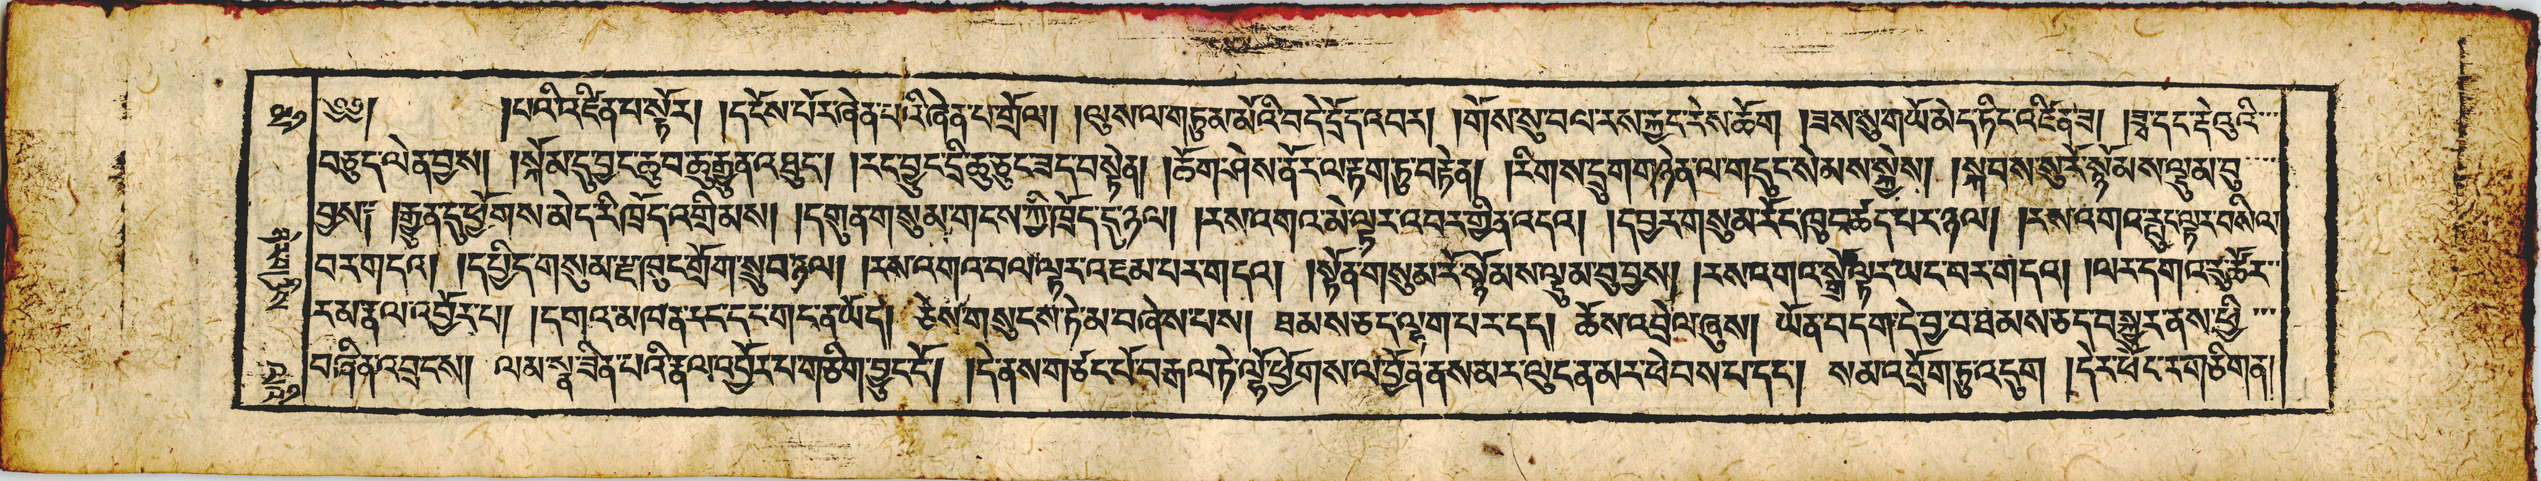པའི་འཛིན་པ་སྟོར། །དངོས་པོར་ཞེན་པའི་ཞེན་པ་གྲོལ། །ལུས་ལ་གཏུམ་མོའི་བདེ་དྲོད་འབར། །གོས་སུ་བལ་རས་རྐྱང་རེས་ཆོག །ཟས་སུ་གཡོ་མེད་ཏིང་འཛིན་ཟ། །ཟྭ་དང་རྡེའུ་འི་
བཅུད་ལེན་བྱས། །སྐོམ་དུ་བྱང་ཆུབ་ཆུ་རྒྱུན་འཐུང་། །རང་བྱུང་དྲི་ཆུ་ཆུང་ཟད་བསྟེན། །ཆོག་ཤེས་ནོར་ལ་རྟག་ཏུ་བརྟེན། །རིགས་དྲུག་གཉེན་ལ་གདུང་སེམས་སྐྱེས། །སྐབས་སུ་རོ་སྙོམས་ལྡུམ་བུ་
བྱས། །རྒྱུན་དུ་ཕྱོགས་མེད་རི་ཁྲོད་འགྲིམས། །དགུན་གསུམ་གངས་ཀྱི་ཁྲོད་དུ་ཉལ། །རས་འགའ་མེ་ལྟར་འབར་གྱིན་འདའ། །དབྱར་གསུམ་རོང་ཁུང་ཚད་པར་ཉལ། །རེས་འགའ་རླུང་ལྟར་བསིལ་
བར་གདའ། །དཔྱིད་གསུམ་རྫ་ཁུང་གྲོག་སྲུབ་ཉལ། །རེས་འགའ་བལ་ལྟར་འཇམ་པར་གདའ། །སྟོན་གསུམ་རོ་སྙོམས་ལྡུམ་བུ་བྱས། །རེས་འགར་སྒྲོ་ལྟར་ཡང་བར་གདའ། །ལར་དགའ་རུ་ཚོར་
རམ་རྣལ་འབྱོར་པ། །དགའ་མཁན་རང་དང་གང་ན་ཡོད། ཅེས་གསུངས་ཏེ་མ་བཞེས་པས། ཐམས་ཅད་ལྷག་པར་དད། ཆོས་འབྲེལ་ཞུས། ཡོན་བདག་དེ་བྱ་བ་ཐམས་ཅད་བསྐྱུར་ནས་ཕྱི་
བཞིན་འབྲངས། ལམ་སྣ་ཟིན་པའི་རྣལ་འབྱོར་པ་གཅིག་བྱུང་ངོ་། །དེ་ནས་གཙང་པོ་བརྒལ་ཏེ་ལྷོ་ཕྱོགས་ལ་བྱོན་ནས་མར་ལུང་ན་མར་ཕེབས་པ་དང་། ས་མ་འབྲོག་ཏུ་འདུག །དེར་ཕོང་ར་གཅིག་ན།